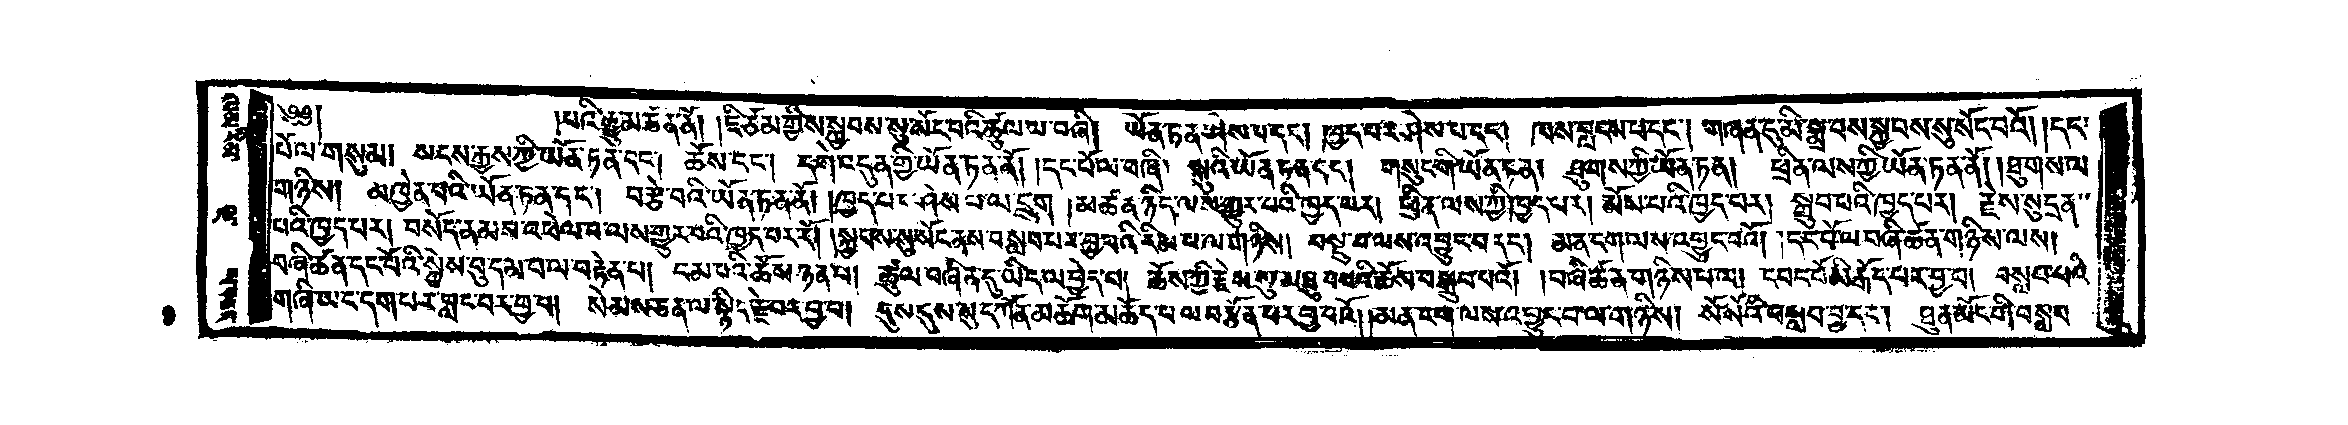༄༅། །པའི་རྒྱུ་མཚན་ནོ། །ཇི་ཙམ་གྱིས་སྐྱབས་སུ་སོང་བའི་ཚུལ་ལ་བཞི། ཡོན་ཏན་ཤེས་པ་དང་། ཁྱད་པར་ཤེས་པ་དང་། ཁས་བླངས་པ་དང་། གཞན་དུ་མི་སྨྲ་བས་སྐྱབས་སུ་སོང་བའོ། །དང་
པོ་ལ་གསུམ། སངས་རྒྱས་ཀྱི་ཡོན་ཏན་དང་། ཆོས་དང་། དགེ་འདུན་གྱི་ཡོན་ཏན་ནོ། །དང་པོ་ལ་བཞི། སྐུའི་ཡོན་ཏན་དང་། གསུང་གི་ཡོན་ཏན། ཐུགས་ཀྱི་ཡོན་ཏན། ཕྲིན་ལས་ཀྱི་ཡོན་ཏན་ནོ། །ཐུགས་ལ་
གཉིས། མཁྱེན་པའི་ཡོན་ཏན་དང་། བརྩེ་བའི་ཡོན་ཏན་ནོ། །ཁྱད་པར་ཤེས་པ་ལ་དྲུག །མཚན་ཉིད་ལས་གྱུར་པའི་ཁྱད་པར། ཕྲིན་ལས་ཀྱི་ཁྱད་པར། མོས་པའི་ཁྱད་པར། སྒྲུབ་པའི་ཁྱད་པར། རྗེས་སུ་དྲན་
པའི་ཁྱད་པར། བསོད་ནམས་འཕེལ་བ་ལས་གྱུར་པའི་ཁྱད་པར་རོ། །སྐྱབས་སུ་སོང་ནས་བསླབ་པར་བྱ་བའི་རིམ་པ་ལ་གཉིས། བསྡུ་བ་ལས་འབྱུང་བ་དང་། མན་ངག་ལས་འབྱུང་བའོ། །དང་པོ་ལ་བཞི་ཚན་གཉིས་ལས།
བཞི་ཚན་དང་པོའི་སྐྱེས་བུ་དམ་པ་ལ་བརྟེན་པ། དམ་པའི་ཆོས་ཉན་པ། ཚུལ་བཞིན་དུ་ཡིད་ལ་བྱེད་པ། ཆོས་ཀྱི་རྗེས་སུ་མཐུན་པའི་ཆོས་བསྒྲུབ་པའོ། །བཞི་ཚན་གཉིས་པ་ལ། དབང་པོ་མི་རྒོད་པར་བྱ་བ། བསླབ་པའི་
གཞི་ཡང་དག་པར་བླང་བར་བྱ་བ། སེམས་ཅན་ལ་སྙིང་རྗེ་བར་བྱ་བ། དུས་དུས་སུ་དཀོན་མཆོག་མཆོད་པ་ལ་བརྩོན་པར་བྱ་བའོ། །མན་ངག་ལས་འབྱུང་བ་ལ་གཉིས། སོ་སོའི་བསླབ་བྱ་དང་། ཐུན་མོང་གི་བསླབ་